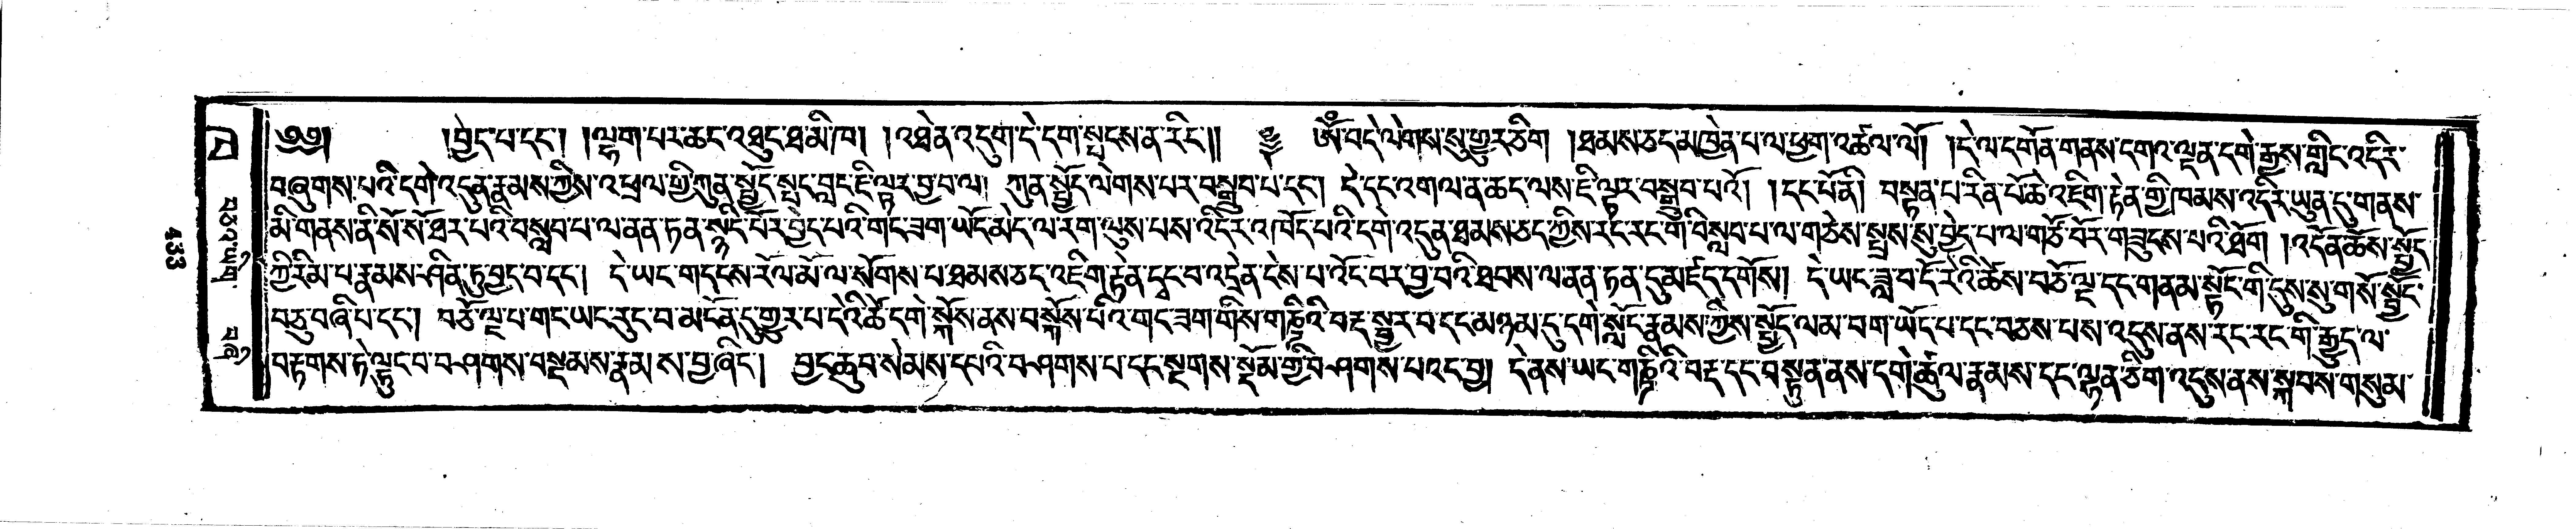༄༅། །བྱེད་པ་དང་། །ལྷག་པར་ཆང་འཐུང་ཐ་མི་ཁ། །འཐེན་འདུག་དེ་དག་སྤངས་ན་རིང།། ༈ ཨོཾ་བདེ་ལེགས་སུ་གྱུར་ཅིག །ཐམས་ཅད་མཁྱེན་པ་ལ་ཕྱག་འཚལ་ལོ། །དེ་ལ་དགོན་གནས་དགའ་ལྡན་དགེ་རྒྱས་གླིང་འདིར་
བཞུགས་པའི་དགེ་འདུན་རྣམས་ཀྱིས་འཕྲལ་གྱི་ཀུན་སྤྱོད་སྤང་བླང་ཇི་ལྟར་བྱ་བ་ལ། །ཀུན་སྤྱོད་ལེགས་པ་བསྒྲུབ་པ་དང་། དེ་དང་འགལ་ན་ཆད་ལས་ཇི་ལྟར་བསྒྲུབ་པའོ། །དང་པོ་ནི། བསྟན་པ་རིན་པོ་ཆེ་འཇིག་རྟེན་གྱི་ཁམས་འདིར་ཡུན་དུ་གནས་
མི་གནས་ནི་སོ་སོ་ཐར་པའི་བསླབ་པ་ལ་ནན་ཏན་སྙིང་པོར་བྱེད་པའི་གང་ཟག་ཡོད་མེད་ལ་རག་ལུས་པས་འདིར་འཁོད་པའི་དགེ་འདུན་ཐམས་ཅད་ཀྱིས་རང་རང་གི་བསླབ་པ་ལ་གཅེས་སྤྲས་སུ་བྱེད་པ་ལ་གཙོ་བོར་གཟུངས་པའི་ཐོག །འདོན་ཆོས་སྤྱོད་
ཀྱི་རིམ་པ་རྣམས་ཤིན་ཏུ་བྱང་བ་དང་། དེ་ཡང་གདངས་རོལ་མོ་ལ་སོགས་པ་ཐམས་ཅད་འཇིག་རྟེན་དྭང་བ་འདྲེན་ངེས་པ་འོང་བར་བྱ་བའི་ཐབས་ལ་ནན་ཏན་དུ་མཛད་དགོས། དེ་ཡང་ཟླ་བ་ངོ་རེའི་ཚེས་བཅོ་ལྔ་དང་གནམ་སྟོང་གི་དུས་སུ་གསོ་སྦྱོང་
བཅུ་བཞི་པ་དང་། བཅོ་ལྔ་པ་གང་ཡང་རུང་བ་མངོན་དུ་གྱུར་པ་དེའི་ཚེ་དགེ་སྐོས་ནས་བསྐོས་པའི་གང་ཟག་གིས་གཎྜིའི་བརྡ་སྦྱར་བ་དང་མཉམ་དུ་དགེ་སློང་རྣམས་ཀྱིས་སྤྱོད་ལམ་བག་ཡོད་པ་དང་བཅས་པས་འདུས་ནས་རང་རང་གི་རྒྱུད་ལ་
བརྟགས་ཏེ་ལྟུང་བ་བཤགས་བསྔམས་རྣམས་བྱ་ཞིང་། བྱང་ཆུབ་སེམས་དཔའི་བཤགས་པ་དང་སྔགས་སྡོམ་གྱི་བཤགས་པའང་བྱ། དེ་ནས་ཡང་གཎྜིའི་བརྡ་དང་བསྟུན་ནས་དགེ་ཚུལ་རྣམས་དང་ལྷན་ཅིག་འདུས་ནས་སྐབས་གསུམ་